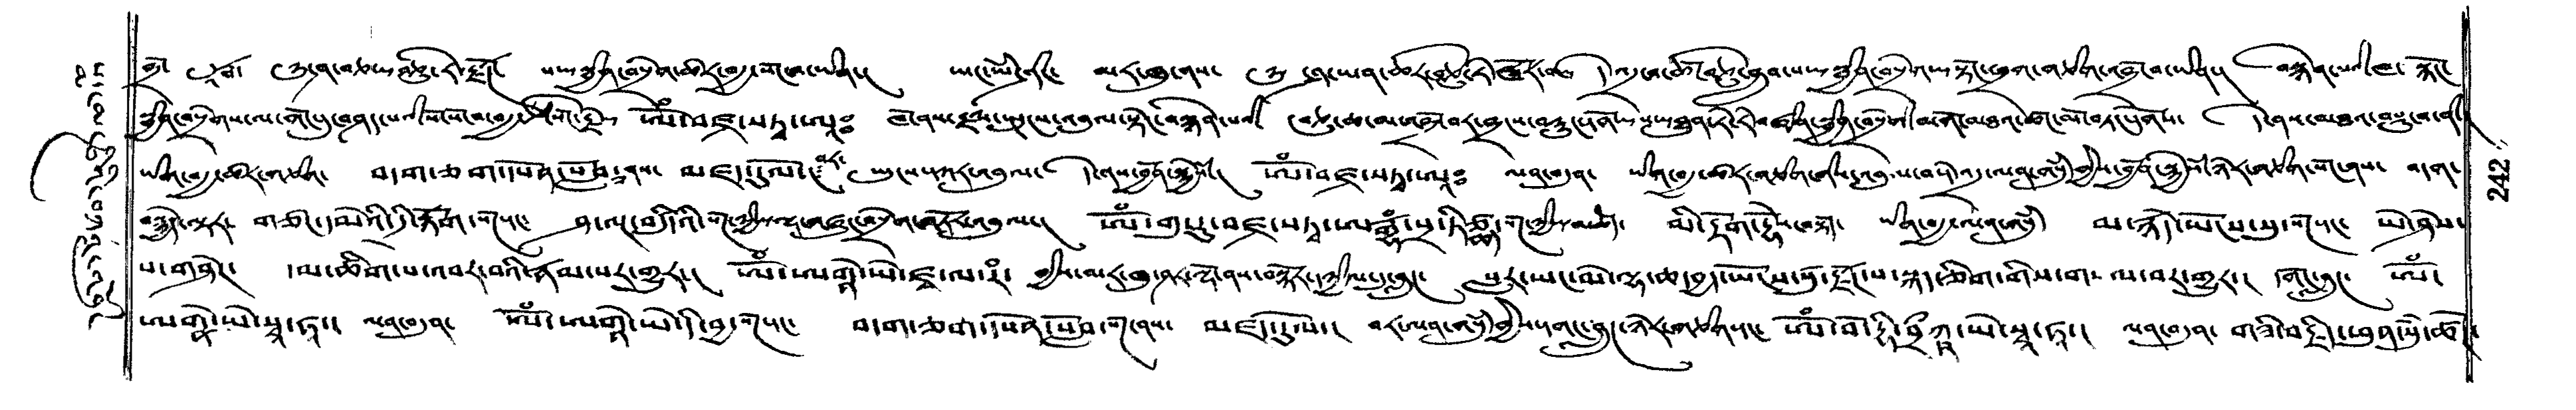གྲོ། དཱུརྦ། ཀུ་ཤ་བཅས་བཅུ་རེ་རྫོགས་པས་སྦྱིན་སྲེག་ཚར་བརྒྱ་སོང་བ་ཡིན། ཡང་ཡམ་ཤིང་། མར་ཁུ། ནས། ཀུ་ཤ་ཡན་ཚར་བཅུ་རེ་བཟླ། དེ་འདྲ་བ་ཚར་བཅུ་གྲུབ་པས་སྦྱིན་སྲེག་སྟོང་ཕྲག་གཅིག་འགྲོ་བ་ཡིན། སྙེན་པའི་ཁ་སྐོང་
སྦྱིན་སྲེག་ལ་གོང་དུ་བཤད་པའི་སོ་སོ་བ་བརྒྱ་ཙམ་སོང་རྗེས། ཨོཾ་བཛྲ་སཏྭ་ཨཱཿ ཁོ་ནས་རྫས་སྤུངས་འབུལ། སྟོང་ཕྲག་སྙེན་པའི་བཅུ་ཆ་མ་འགྲོ་བར་གྲངས་འཛིན་དགོས་པས་ཐུན་རེ་རེ་བཞིན་སྦྱིན་སྲེག་གི་མགོ་མཐའ་ཚང་བར་གཏོང་དགོས། དེ་ནས་མཐའ་བསྡུ་བ་ནི་
ཡིག་བརྒྱ་ཚར་གཅིག བདག་ཅག་དཔོན་སློབ༴ ནས། མཛད་དུ་གསོལ། བར་ཡུངས་དཀར་འབུལ། དེ་ནས་བྱོན་སྐྱེམས། ཨོཾ་བཛྲ་སཏྭ་ཨཱཿ ལན་བདུན། ཡིག་བརྒྱ་ཚར་གཅིག་གིས་འབུལ་བ་དེ་འདྲ་ལན་གསུམ་གྱིས་བྱོན་སྐྱེམས་ཉེར་གཅིག་སོང་ནས། བདག་
བསྐྱེད་ལྟར། གཙང་དམེའི་དྲི་རྟོག༴ སོགས་དང་། ཤ་ལྔ་བདུད་རྩིའི༴ སོགས་ཀྱིས་ལྷ་གཞུང་སྲེག་གཏོར་འབུལ། ཨོཾ་གུ་རུ་བཛྲ་སཏྭ་ཨརྒྷཾ་པྲ་ཏིཙྪ༴ སོགས་ཀྱིས་མཆོད། མི་རྟོག་རྡོ་རྗེ༴ སོགས་ཀྱིས་བསྟོད། ཡིག་བརྒྱ་ལན་གསུམ། མ་རྙེད་ཡོངས་སུ༴སོགས་དང་། ཡེ་ཤེས་
པ་གཤེགས། དམ་ཚིག་པ་འབར་བའི་རྣམ་པར་གྱུར། ཨོཾ་ཨགྣེ་ཡེ་ཛྭ་ལ་རྃ་གྱིས་མར་ཁུ་ཤར་ལྷོ་ནས་བསྐོར་སྟེ་དཀྱིལ་འཁོར་དུ་བླུག སླར་ཡང་མེ་ལྷ་ཆ་བྱད་ཡོངས་སུ་རྫོགས་པ་སྐད་ཅིག་གིས་གསལ་བར་གྱུར། དགང་བླུག ཨོཾ་
ཨགྣེ་ཡེ་སྭ་ཧཱ། ལན་བདུན། ཨོཾ་ཨགྣེ་ཡེ་དེ་བྱ༴ སོགས་དང་། བདག་ཅག་དཔོན་སློབ༴ སོགས་ནས། མཛད་དུ་གསོལ། བར་ལན་གསུམ་གྱིས་དགང་བླུག་ཉེར་གཅིག་དང་། ཨོཾ་བོ་དྷི་བྲྀཀྵ་ཡ་སྭ་ཧཱ། ལན་བདུན། བཟི་བརྗིད་ཕུན་སུམ་ཚོགས་